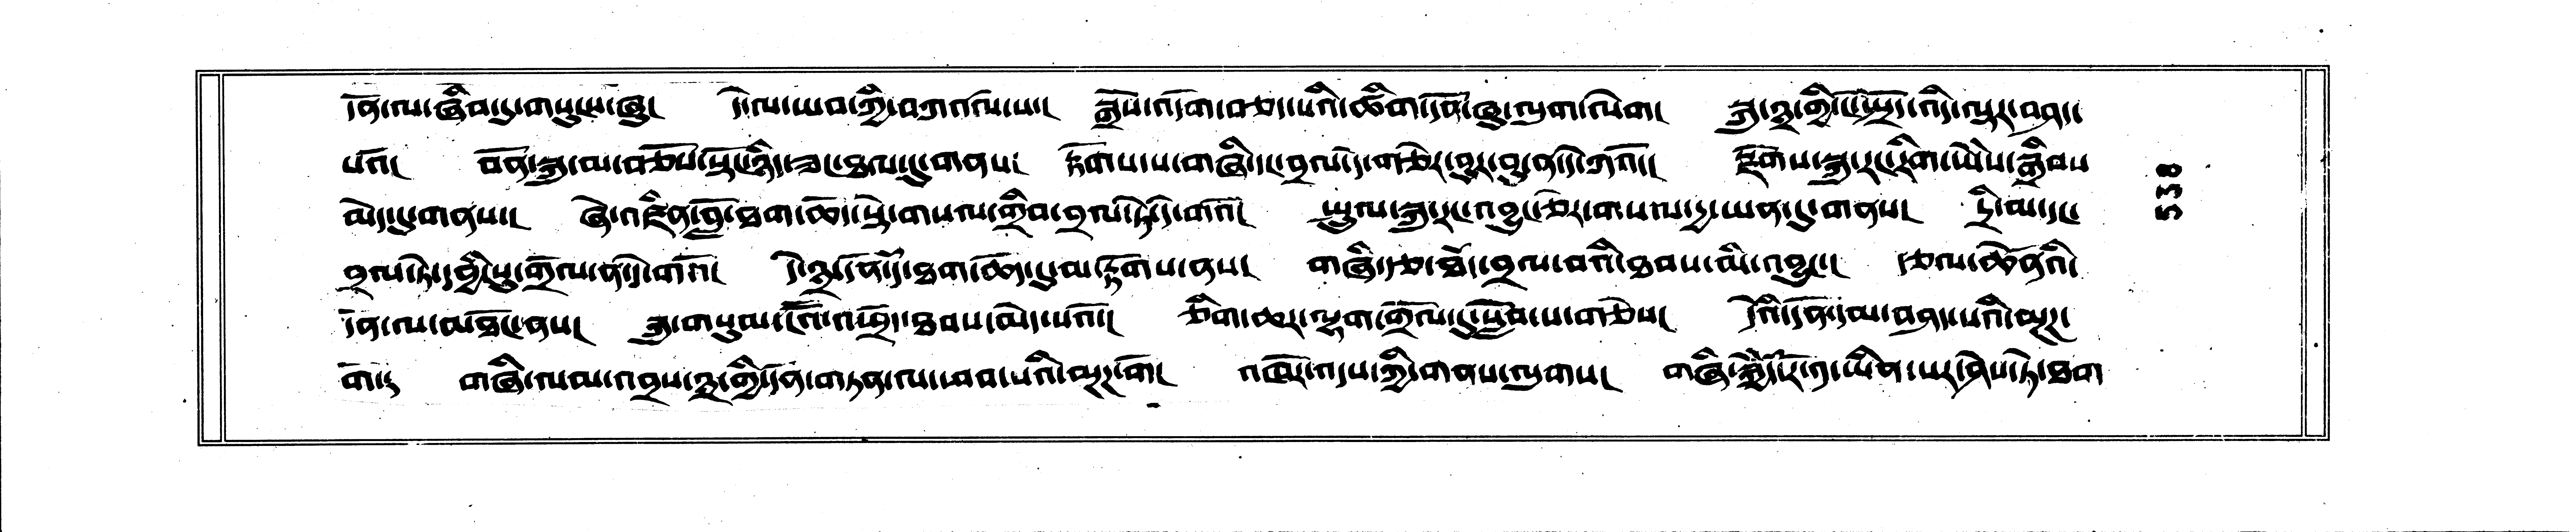དོན་ལ་ཞིབ་དུ་གསུངས་པར་ཞུ། དེ་ལ་ཡབ་ཀྱི་བཀའ་སྩལ་པ། སྒྲོས་འདོག་བཅད་པའི་ཚིག་དོན་ཞུ་ལུགས་ལེགས། སྐུ་གསུམ་གྱི་ངོ་སྤྲོད་འདི་ལྟར་བཤད་
པའོ། བོན་སྐུ་མ་བཅོས་སྟོང་ཉིད་ཟང་ཐལ་དུ་གནས། རྟོག་པ་གཞི་དང་བྲལ་ཏེ་ཅེར་བུར་ཕུད་ན་དེ་ཀའོ། རྫོགས་སྐུའི་ངོའོ་རང་རིག་ཡེ་ཤེས་སྒྲིབ་
མེད་དུ་གནས། ཞེན་འཛིན་གྱི་བློ་ཐག་ཆོད་ཏེ། གསལ་སྒྲིབ་བྲལ་ན་དེ་ཀའོ། སྤྲུལ་སྐུ་རང་འབྱུང་ཅི་གསལ་རྒྱ་ཡན་དུ་གནས། དྲི་མ་དང་
བྲལ་ཏེ་དབྱིངས་སུ་གྲོལ་ན་དེ་ཀའོ། དེ་ཀ་གསུམ་ཡང་དོན་དམ་ཐག་ཆོད་དུ་མ་རྟོགས་ན། གཞི་རྩ་ཐམས་ཅད་བྲལ་བའི་ཐབས་མི་འབྱུང་། གཞི་རྩ་བྲལ་ཆེན་
དོན་མ་མཐོང་ན། སྐུ་གསུམ་གྱི་ངོའོ་སྤྲོད་ཐབས་མེད། ལར་ཅིག་ཆར་ལྷག་གྲོལ་དུ་སླེབ་པ་གཅེས། དེའི་དོན་དམ་བཤད་པའི་མེན་ངག་
གོ །གཞི་ལམ་འབྲས་གསུམ་གྱི་དོན་གཏན་ལ་ཕབ་པའི་མེན་ངག་ལ། འཁོར་འདས་ཀྱི་གནས་ལུགས། གཞི་སྐྱེ་མེད་རོ་ཅིག་ཡིན་པར་ཤེས་ཏེ་ཐག་